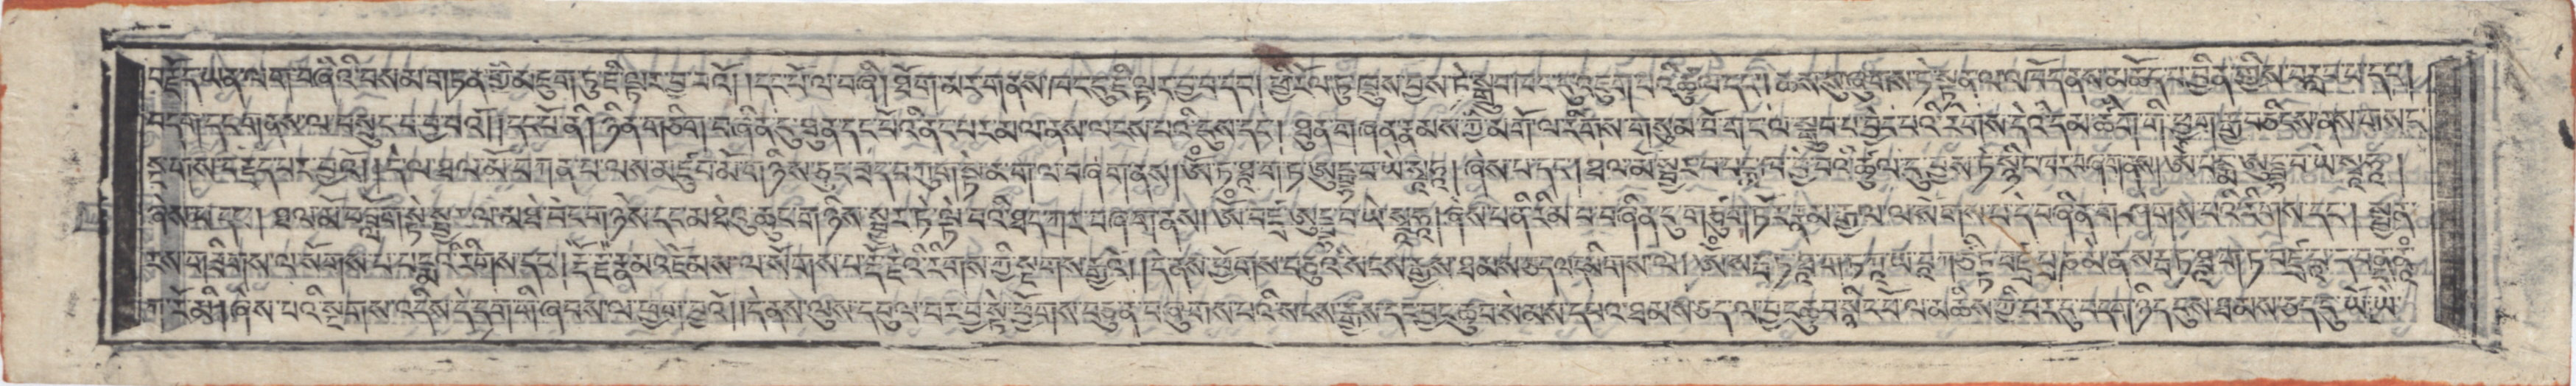བརྗོད་ཡན་ལག་བཞིའི་བསམ་གཏན་གྱི་མཇུག་ཏུ་ཇི་ལྟར་བྱ་བའོ། །དང་པོ་ལ་བཞི། ཐོག་མར་གནས་ཁང་དུ་ཇི་ལྟར་བྱ་བ་དང་། ཕྱི་རོལ་ཏུ་ཁྲུས་བྱས་ཏེ་སྒྲུབ་ཁང་དུ་འཇུག་པའི་ཚུལ་དང་། ཆས་སུ་ཞུགས་ཏེ་སྟན་ལ་འཁོད་ནས་མཆོད་པ་བྱིན་གྱིས་བརླབ་པ་དང་།
བདག་དང་གནས་ལ་བསྲུང་བ་བྱ་བའོ། །དང་པོ་ནི། ཉིན་གཅིག་བཞིན་དུ་ཐུན་དང་པོའི་ནང་པར་མལ་ནས་ལངས་པའི་དུས་དང་། ཐུན་གཞན་རྣམས་ཀྱི་མགོ་ལ་རིགས་གསུམ་པོ་གང་ལ་སྒྲུབ་པ་བྱེད་པའི་རིགས་དེའི་དམ་ཚིག་གི་ཕྱག་རྒྱ་བཅིངས་ནས་གསང་
སྔགས་བརྗོད་པར་བྱའོ། །དེ་ལ་ཐལ་མོ་བཀན་པ་ལས་མཛུབ་མོ་གཉིས་ཅུང་ཟད་བཀུག་སྟེ་མག་ལ་བཞག་ནས། ཨོཾ་ཏ་ཐཱ་ག་ཏ་ཨུདབྷ་བ་ཡེ་སྭཱཧཱ། ཞེས་པ་དང་། ཐལ་མོ་སྦྱར་བ་པདམ་ཁ་བྱེ་བའི་ཚུལ་དུ་བྱས་ཏེ་སྙིང་ཁར་བཞག་ནས། ཨོཾ་པདམ་ཨུདབྷ་བ་ཡེ་སྭཱ་ཧཱ།
ཞེས་པ་དང་། ཐལ་མོ་བཟློག་སྟེ་སྦྱར་ལ་མཐེ་པོང་གཉིས་དང་མཐེའུ་ཆུང་གཉིས་སྦྱར་ཏེ་ལྟེ་བའི་ཐད་ཀར་བཞག་ནས། ཨོཾ་བཛྲ་ཨུདབྷ་བ་ཡེ་སྭཱཧཱ། ཞེས་པ་ནི་རིམ་པ་བཞིན་དུ་གཙུག་ཏོར་རྣམ་རྒྱལ་ལ་སོགས་པ་དེ་བཞིན་གཤེགས་པའི་རིགས་དང་། སྤྱན་
རས་གཟིགས་ལ་སོགས་པ་པདམའི་རིགས་དང་། རྡོ་རྗེ་རྣམ་འཇོམས་ལ་སོགས་པ་རྡོ་རྗེའི་རིགས་ཀྱི་སྔགས་རྒྱའོ། །དེ་ནས་ཕྱོགས་བཅུའི་སངས་རྒྱས་ཐམས་ཅད་ལ་དམིགས་ལ། ཨོཾ་སརྦ་ཏ་ཐཱ་ག་ཏ་ཀཱ་ཡ་བཱཀ་ཙིཏྟ་བཛྲ་པྲ་ཎ་མེ་ན་སརྦ་ཏ་ཐཱ་ག་ཏ་བཛྲ་པཱ་ད་བནྡ་ནཱཾ་
ཀ་རོ་མི། ཞེས་པའི་སྔགས་འདིས་དེ་དག་གི་ཞབས་ལ་ཕྱག་བྱའོ། །དེ་ནས་ལུས་དབུལ་བར་བྱ་སྟེ་ཕྱོགས་བཅུ་ན་བཞུགས་པའི་སངས་རྒྱས་དང་བྱང་ཆུབ་སེམས་དཔའ་ཐམས་ཅད་ལ་བྱང་ཆུབ་སྙིང་པོ་ལ་མཆིས་ཀྱི་བར་དུ་བདག་ཉིད་དུས་ཐམས་ཅད་དུ་ཡོ་ཡེ་